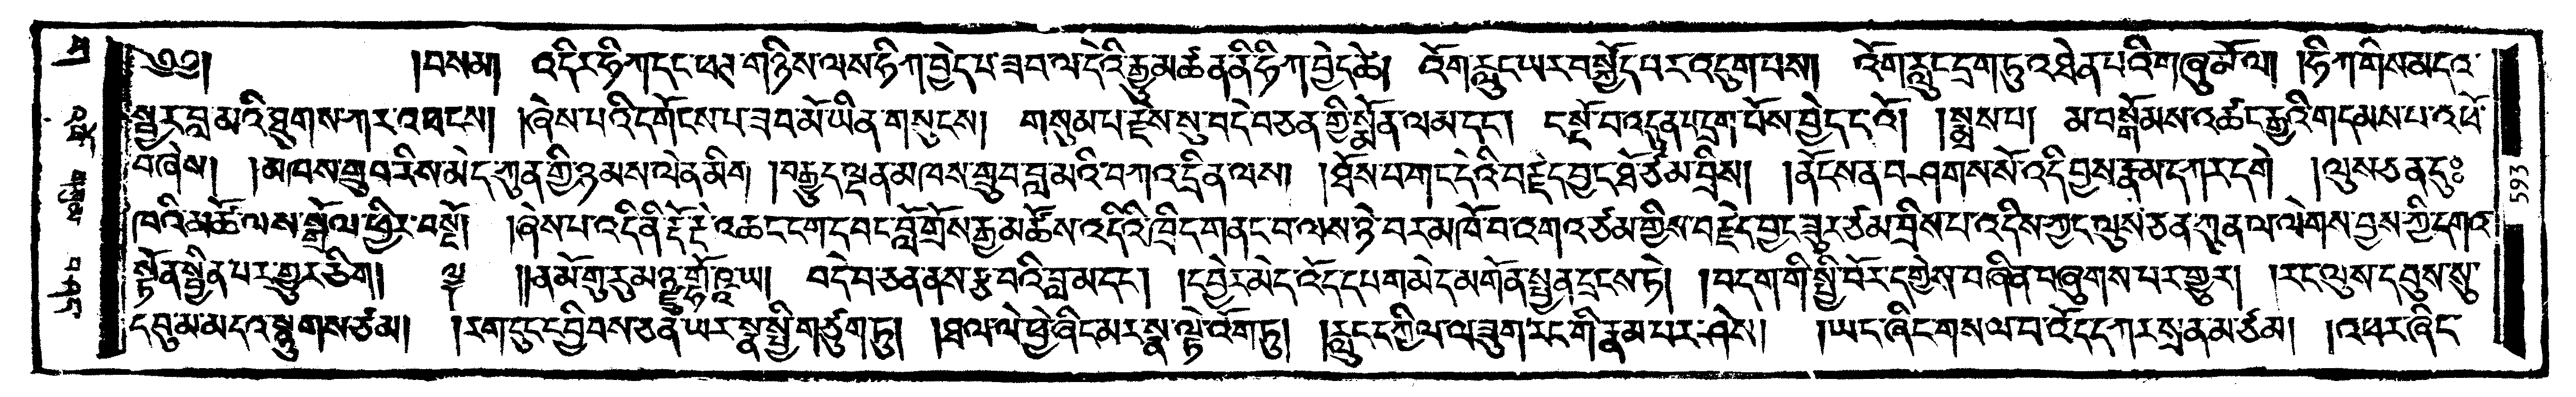༄༅། །བསམ། འདིར་ཧིཀ་དང་ཕཊ་གཉིས་ལས་ཧིཀ་བྱེད་པ་ཟབ་ལ་དེའི་རྒྱུ་མཚན་ནི་ཧིཀ་བྱེད་ཚེ། འོག་རླུང་ཡར་བསྐྱོད་བར་འདུག་པས། འོག་རླུང་དྲག་ཏུ་འཐེན་པའི་གཞུ་མོ་ལ། །ཧིཀ་གིས་མདའ་
སྦྱར་བླ་མའི་ཐུགས་ཀར་འཐངས། །ཞེས་པའི་དགོངས་པ་ཟབ་མོ་ཡིན་གསུངས། གསུམ་པ་རྗེས་སུ་བདེ་བ་ཅན་གྱི་སྨོན་ལམ་དང་། ང་སྔོ་བ་འདུན་པ་དྲག་པོས་བྱེད་དའོ། །སྨྲས་པ། མ་བསྒོམས་འཚང་རྒྱའི་གདམས་པ་འཕོ་
བཞེས། །མཁས་གྲུབ་རིས་མེད་ཀུན་གྱི་ཉམས་ལེན་མིག །བརྒྱུད་ལྡན་མཁས་གྲུབ་བླ་མའི་བཀའ་དྲིན་ལས། །ཐོས་པ་གང་དེའི་བརྗེད་བྱང་ཐོབ་ཙམ་བྲིས། །ནོངས་ན་བཤགས་སོ་འདི་བྱས་རྣམ་དཀར་དགེ །ལུས་ཅན་དུཿ
ཁའི་མཚོ་ལས་སྒྲོལ་ཕྱིར་བསྔོ། །ཞེས་པ་འདི་ནི་རྡོ་རྗེ་འཆང་ངག་དབང་བློ་གྲོས་རྒྱ་མཚོས་འདིའི་ཁྲིད་གནང་བ་ལས་ཉེ་བར་མཁོ་བ་འགའ་ཙམ་གྱིས་བརྗེད་བྱང་ཟུར་ཙམ་བྲིས་པ་འདིས་ཀྱང་ལུས་ཅན་ཀུན་ལ་ལེགས་བྱས་ཀྱི་དགའ་
སྟོན་སྦྱིན་པར་གྱུར་ཅིག། ༈ །།ན་མོ་གུ་རུ་མཉྫུ་གྷོ་ཥཱ་ཡ། བདེ་བ་ཅན་ནས་རྩ་བའི་བླ་མ་དང་། །དབྱེར་མེད་འོད་དཔག་མེད་མགོན་སྤྱན་དྲངས་ཏེ། །བདག་གི་སྤྱི་བོར་དགྱེས་བཞིན་བཞུགས་པར་གྱུར། །རང་ལུས་དབུས་སུ་
དབུ་མ་མདའ་སྙུགས་ཙམ། །རག་དུང་དབྱིབས་ཅན་ཡར་སྣ་སྤྱི་གཙུག་ཏུ། །ཐལ་ལེ་ཕྱེ་ཞིང་མར་སྣ་ལྟེ་འོག་ཏུ། །རླུང་དཀྱིལ་ལ་ཟུག་རང་གི་རྣམ་པར་ཤེས། །ཡང་ཞིང་གསལ་བ་འོད་དཀར་སྲན་མ་ཙམ། །འཕར་ཞིང་